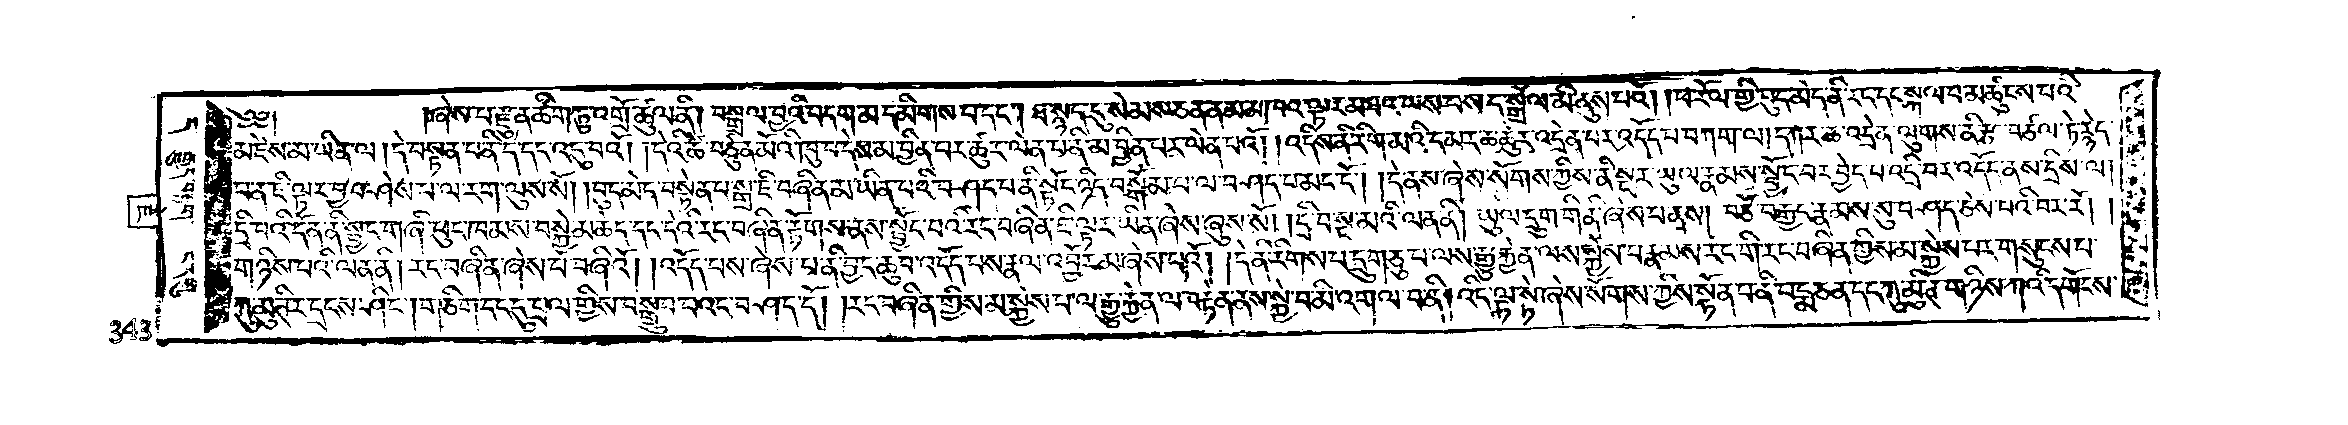༄༅། །ཞེས་པ་རྫུན་ཚིག་ཏུ་འགྲོ་ཚུལ་ནི། བསྒྲལ་བྱའི་བདག་མ་དམིགས་པ་དང་། ཐ་སྙད་དུ་སེམས་ཅན་ནམ་མཁའ་ལྟར་མཐའ་ཡས་བསད་སྒྲོལ་མི་ནུས་པའོ། །ཕ་རོལ་གྱི་བུད་མེད་ནི་རང་དང་སྐལ་བ་མཚུངས་པའི་
མཛེས་མ་ཡིན་ལ། དེ་བསྟན་པ་ནི་དེ་དང་འདུ་བའོ། །དེའི་ཚེ་བཙུན་མོའི་ཁུ་པ་དེས་མ་བྱིན་པར་ཚུར་ལེན་པ་ནི་མ་བྱིན་པར་ལེན་པའོ། །འདིས་ནི་རིག་མའི་དམར་ཆ་ཚུར་འདྲེན་པར་འདོད་པ་བཀག་ལ། དཀར་ཆ་འདྲེན་ལུགས་ནི་རྩ་བཙལ་ཏེ་རྙེད་
པ་ན་ཇི་ལྟར་བྱ་བ་ཤེས་པ་ལ་རག་ལུས་སོ། །བུད་མེད་བསྟེན་པ་སྒྲ་ཇི་བཞིན་མ་ཡིན་པའི་བཤད་པ་ནི་སྟོང་ཉིད་བསྒོམ་པ་ལ་བཤད་པ་མང་ངོ། །དེ་ནས་ཞེས་སོགས་ཀྱིས་ནི་སྔར་ཡུལ་རྣམས་སྦྱོང་བར་བྱེད་པ་འདྲི་བར་འདོད་ནས་དྲིས་ལ།
དྲི་པའི་དོན་ནི་སྦྱང་གཞི་ཕུང་ཁམས་བསྐྱེ་མཆེད་དང་དེའི་རང་བཞིན་རྟོགས་ནས་སྦྱོང་བའི་རང་བཞིན་ཇི་ལྟར་ཡིན་ཞེས་ཞུས་སོ། །དྲི་བ་སྔ་མའི་ལན་ནི། ཡུལ་དྲུག་གི་ནི་ཞེས་པ་ནས། བཅོ་བརྒྱད་རྣམས་སུ་བཤད་ཅེས་པའི་བར་རོ། །
གཉིས་པའི་ལན་ནི། རང་བཞིན་ཞེས་པ་བཞིའོ། །འདོད་པས་ཞེས་པ་ནི་བྱང་ཆུབ་འདོད་པས་རྣལ་འབྱོར་མ་ཞེས་པའོ། །དེ་ནི་རིགས་པ་དྲུག་ཅུ་པ་ལས་རྒྱུ་རྐྱེན་ལས་སྐྱེས་པ་རྣམས་རང་གི་རང་བཞིན་གྱིས་མ་སྐྱེས་པར་གསུངས་པ་
ཀུ་མུ་ཊིར་དྲངས་ཤིང་། གཅིག་དང་དུ་པྲལ་གྱིས་བསྒྲུབ་པའང་བཤད་དོ། །རང་བཞིན་གྱིས་མ་སྐྱེས་པ་ལ་རྒྱུ་རྐྱེན་ལ་བརྟེན་ནས་སྐྱེ་བ་མི་འགལ་བ་ནི། འདི་ལྟ་སྟེ་ཞེས་སོགས་ཀྱིས་སྟོན་པ་ནི་པདམ་ཅན་དང་ཀུ་མུ་ཊི་གཉིས་ཀའི་དགོངས་